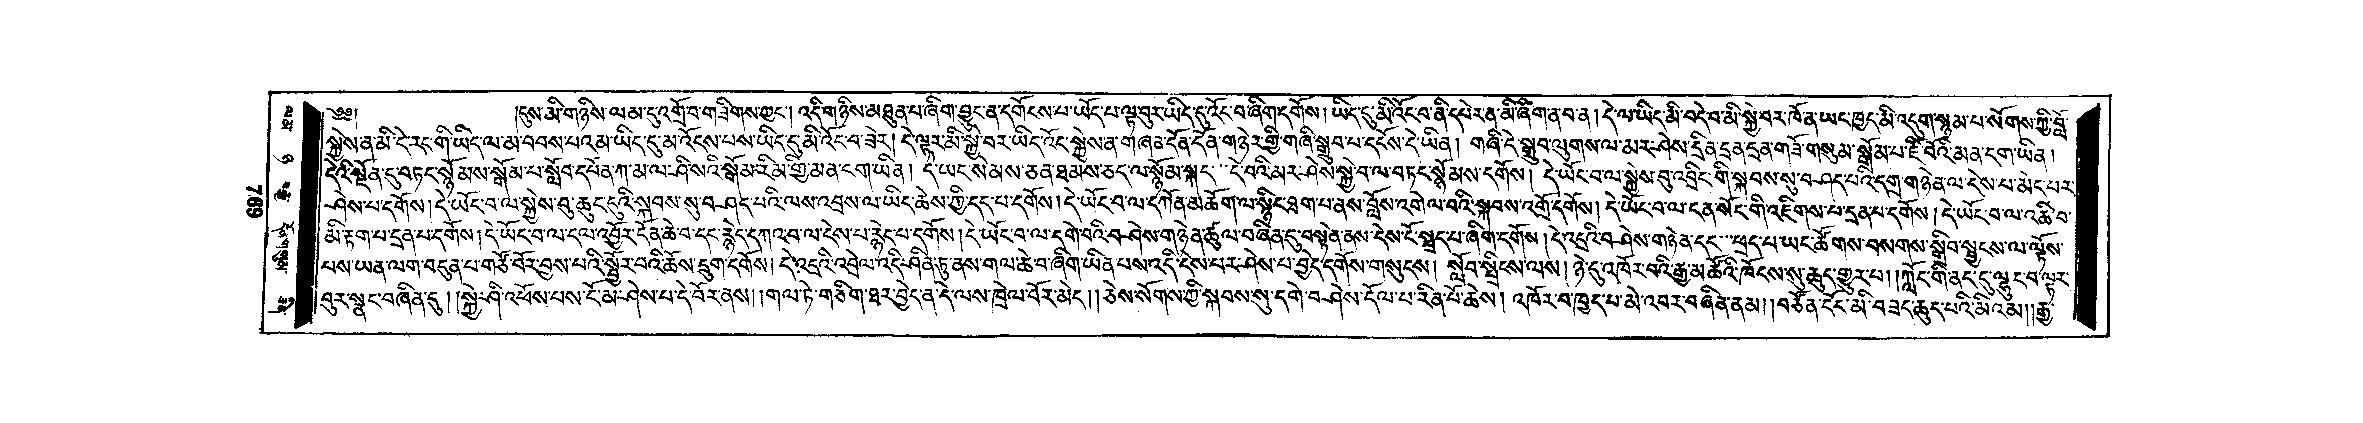༄༅། །དུས་མི་གཉིས་ལམ་དུ་འགྲོ་བ་གཟིགས་ཀྱང་། འདི་གཉིས་མཐུན་པ་ཞིག་བྱུང་ན་དགོངས་པ་ཡོད་པ་ལྟ་བུར་ཡིད་དུ་འོང་བ་ཞིག་དགོས། ཡིད་དུ་མི་འོང་བ་ནི་དཔེར་ན་མི་ཞིག་ན་བ་ན། དེ་ལ་ཡིད་མི་བདེ་བ་མི་སྐྱེ་བར་ཁོ་ན་ཡང་ཁྱད་མི་འདུག་སྙམ་པ་སོགས་ཀྱི་བློ་
སྐྱེས་ན་མི་དེ་རང་གི་ཡིད་ལ་མ་བབས་པའམ་ཡིད་དུ་མ་འོངས་པས་ཡིད་དུ་མི་འོང་བ་ཟེར། དེ་ལྟར་མི་སྐྱེ་བར་ཡིད་འོང་སྐྱེས་ན་གཞན་དོན་དོན་གཉེར་གྱི་གཞི་སྒྲུབ་པ་དངོས་དེ་ཡིན། གཞི་དེ་སྒྲུབ་ལུགས་ལ་མར་ཤེས་དྲིན་དྲན་དྲན་གཟོ་གསུམ་སྒོམ་པ་ཇི་བོའི་མན་ངག་ཡིན།
དེའི་སྔོན་དུ་བཏང་སྙོམས་སྒོམ་པ་སློབ་དཔོན་ཀ་མ་ལ་ཤི་སའི་སྒོམ་རིམ་གྱི་མན་ངག་ཡིན། དེ་ཡང་སེམས་ཅན་ཐམས་ཅད་ལ་སྙོམ་སྐད་དེ་བའི་མར་ཤེས་སྐྱེ་བ་ལ་བཏང་སྙོམས་དགོས། དེ་ཡོང་བ་ལ་སྐྱེས་བུ་འབྲིང་གི་སྐབས་སུ་བཤད་པའི་དགྲ་གཉེན་ལ་ངེས་པ་མེད་པར་
ཤེས་པ་དགོས། དེ་ཡོང་བ་ལ་སྐྱེས་བུ་ཆུང་ངུའི་སྐབས་སུ་བཤད་པའི་ལས་འབྲས་ལ་ཡིད་ཆེས་ཀྱི་དད་པ་དགོས། དེ་ཡོང་བ་ལ་དཀོན་མཆོག་ལ་སྙིང་ཐག་པ་ནས་བློས་འགེལ་བའི་སྐབས་འགྲོ་དགོས། དེ་ཡོང་བ་ལ་ངན་སོང་གི་འཇིགས་པ་དྲན་པ་དགོས། དེ་ཡོང་བ་ལ་འཆི་བ་
མི་རྟག་པ་དྲན་པ་དགོས། དེ་ཡོང་བ་ལ་དལ་འབྱོར་དོན་ཆེ་བ་དང་རྙེད་དཀའ་བ་ལ་ངེས་པ་རྙེད་པ་དགོས། དེ་ཡོང་བ་ལ་དགེ་བའི་བཤེས་གཉེན་ཚུལ་བཞིན་དུ་བསྟེན་ནས་དེས་ངོ་སྤྲད་པ་ཞིག་དགོས། དེ་འདྲའི་བཤེས་གཉེན་དང་ཕྲད་པ་ཡང་ཚོགས་བསགས་སྒྲིབ་སྦྱངས་ལ་ལྟོས་
པས་ཡན་ལག་བདུན་པ་གཙོ་བོར་བྱས་པའི་སྦྱོར་བའི་ཆོས་དྲུག་དགོས། དེ་འདྲའི་འབྲེལ་འདི་ཤིན་ཏུ་ནས་གལ་ཆེ་བ་ཞིག་ཡིན་པས་འདི་ངེས་པར་ཤེས་པ་བྱེད་དགོས་གསུངས། སློབ་སྤྲིངས་ལས། ཉེ་དུ་འཁོར་བའི་རྒྱ་མཚོའི་ཁོངས་སུ་ཆུད་གྱུར་པ། །ཀློང་གི་ནང་དུ་ལྷུང་བ་ལྟར་
བུར་སྣང་བཞིན་དུ། །སྐྱེ་ཤི་འཕོས་པས་ངོ་མ་ཤེས་པ་དེ་བོར་ནས། །གལ་ཏེ་གཅིག་ཐར་བྱེད་ན་དེ་ལས་ཁྲེལ་བོར་མེད། །ཅེས་སོགས་ཀྱི་སྐབས་སུ་དགེ་བཤེས་དོལ་པ་རིན་པོ་ཆེས། འཁོར་བ་ཁྱད་པ་མེ་འབར་བཞིན་ནམ། །བཙོན་དོང་མི་བཟད་ཆུད་པའི་མིའམ། །རྒྱ་